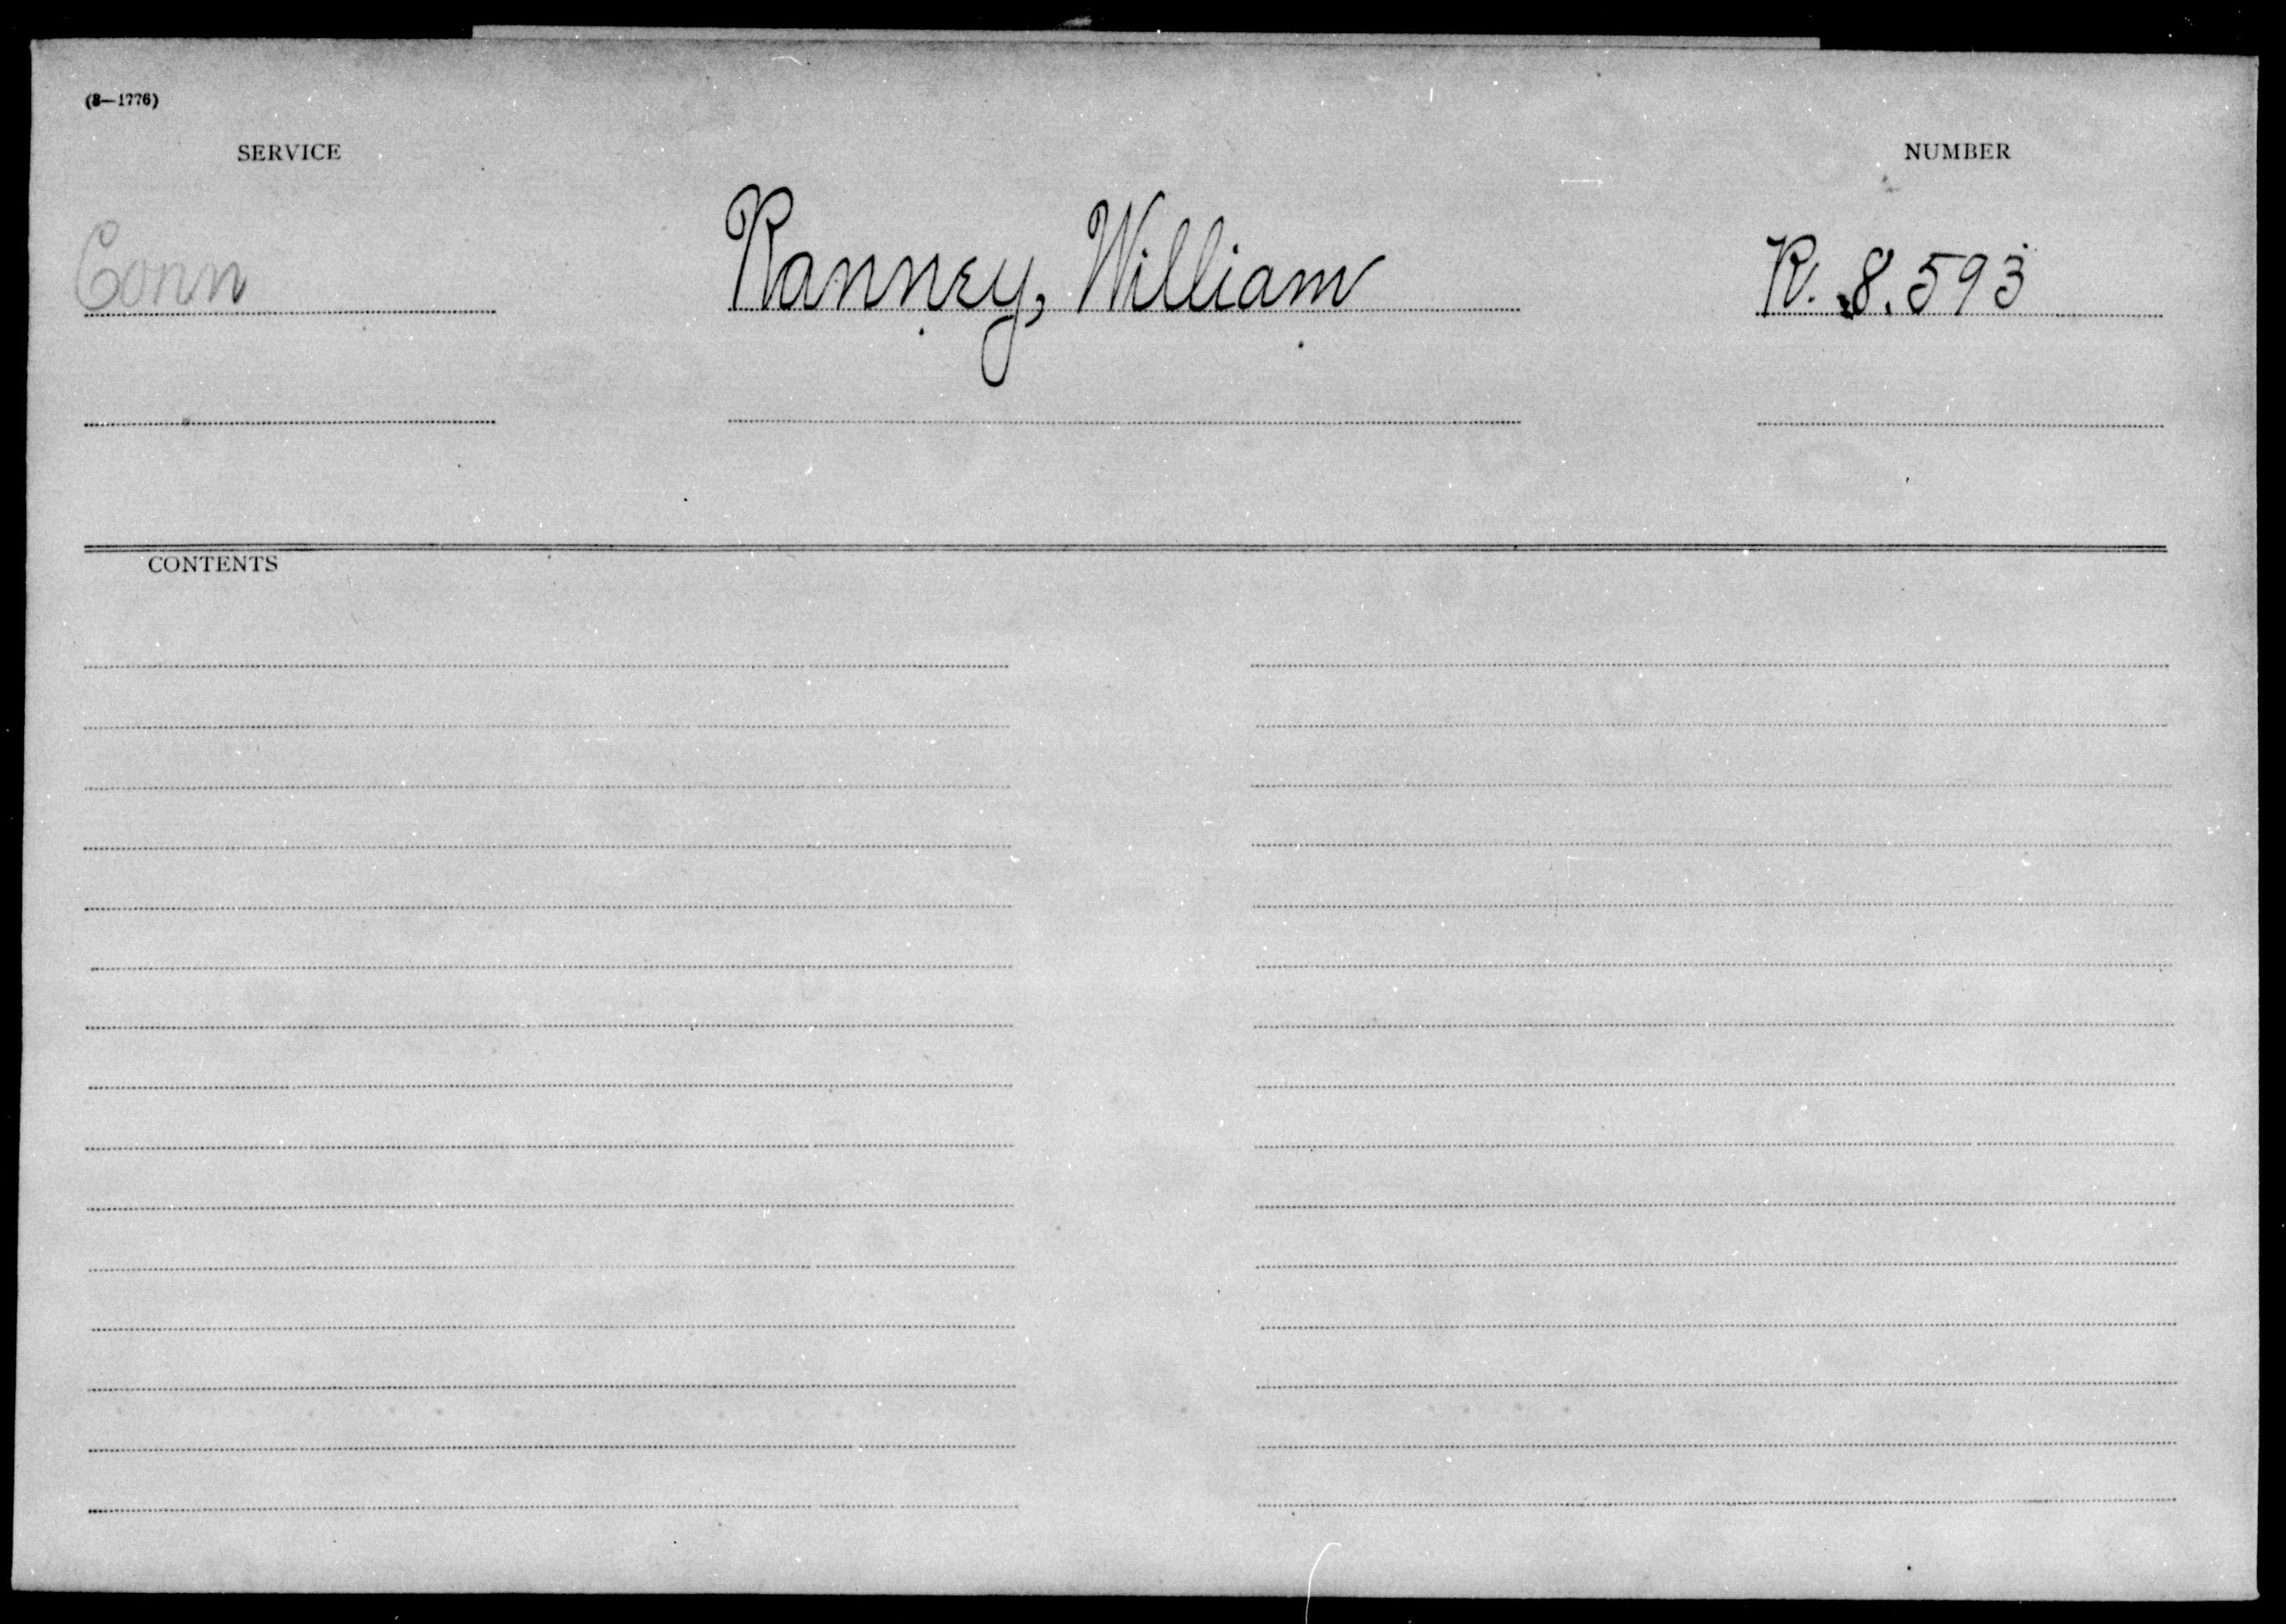(8-1776)
SERVICE
Conn [Connecticut Ranney, William
NUMBER
R.8.593
CONTENTS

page: 1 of 12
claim: rejected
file: R. 8,593, for William Ranney, Connecticut